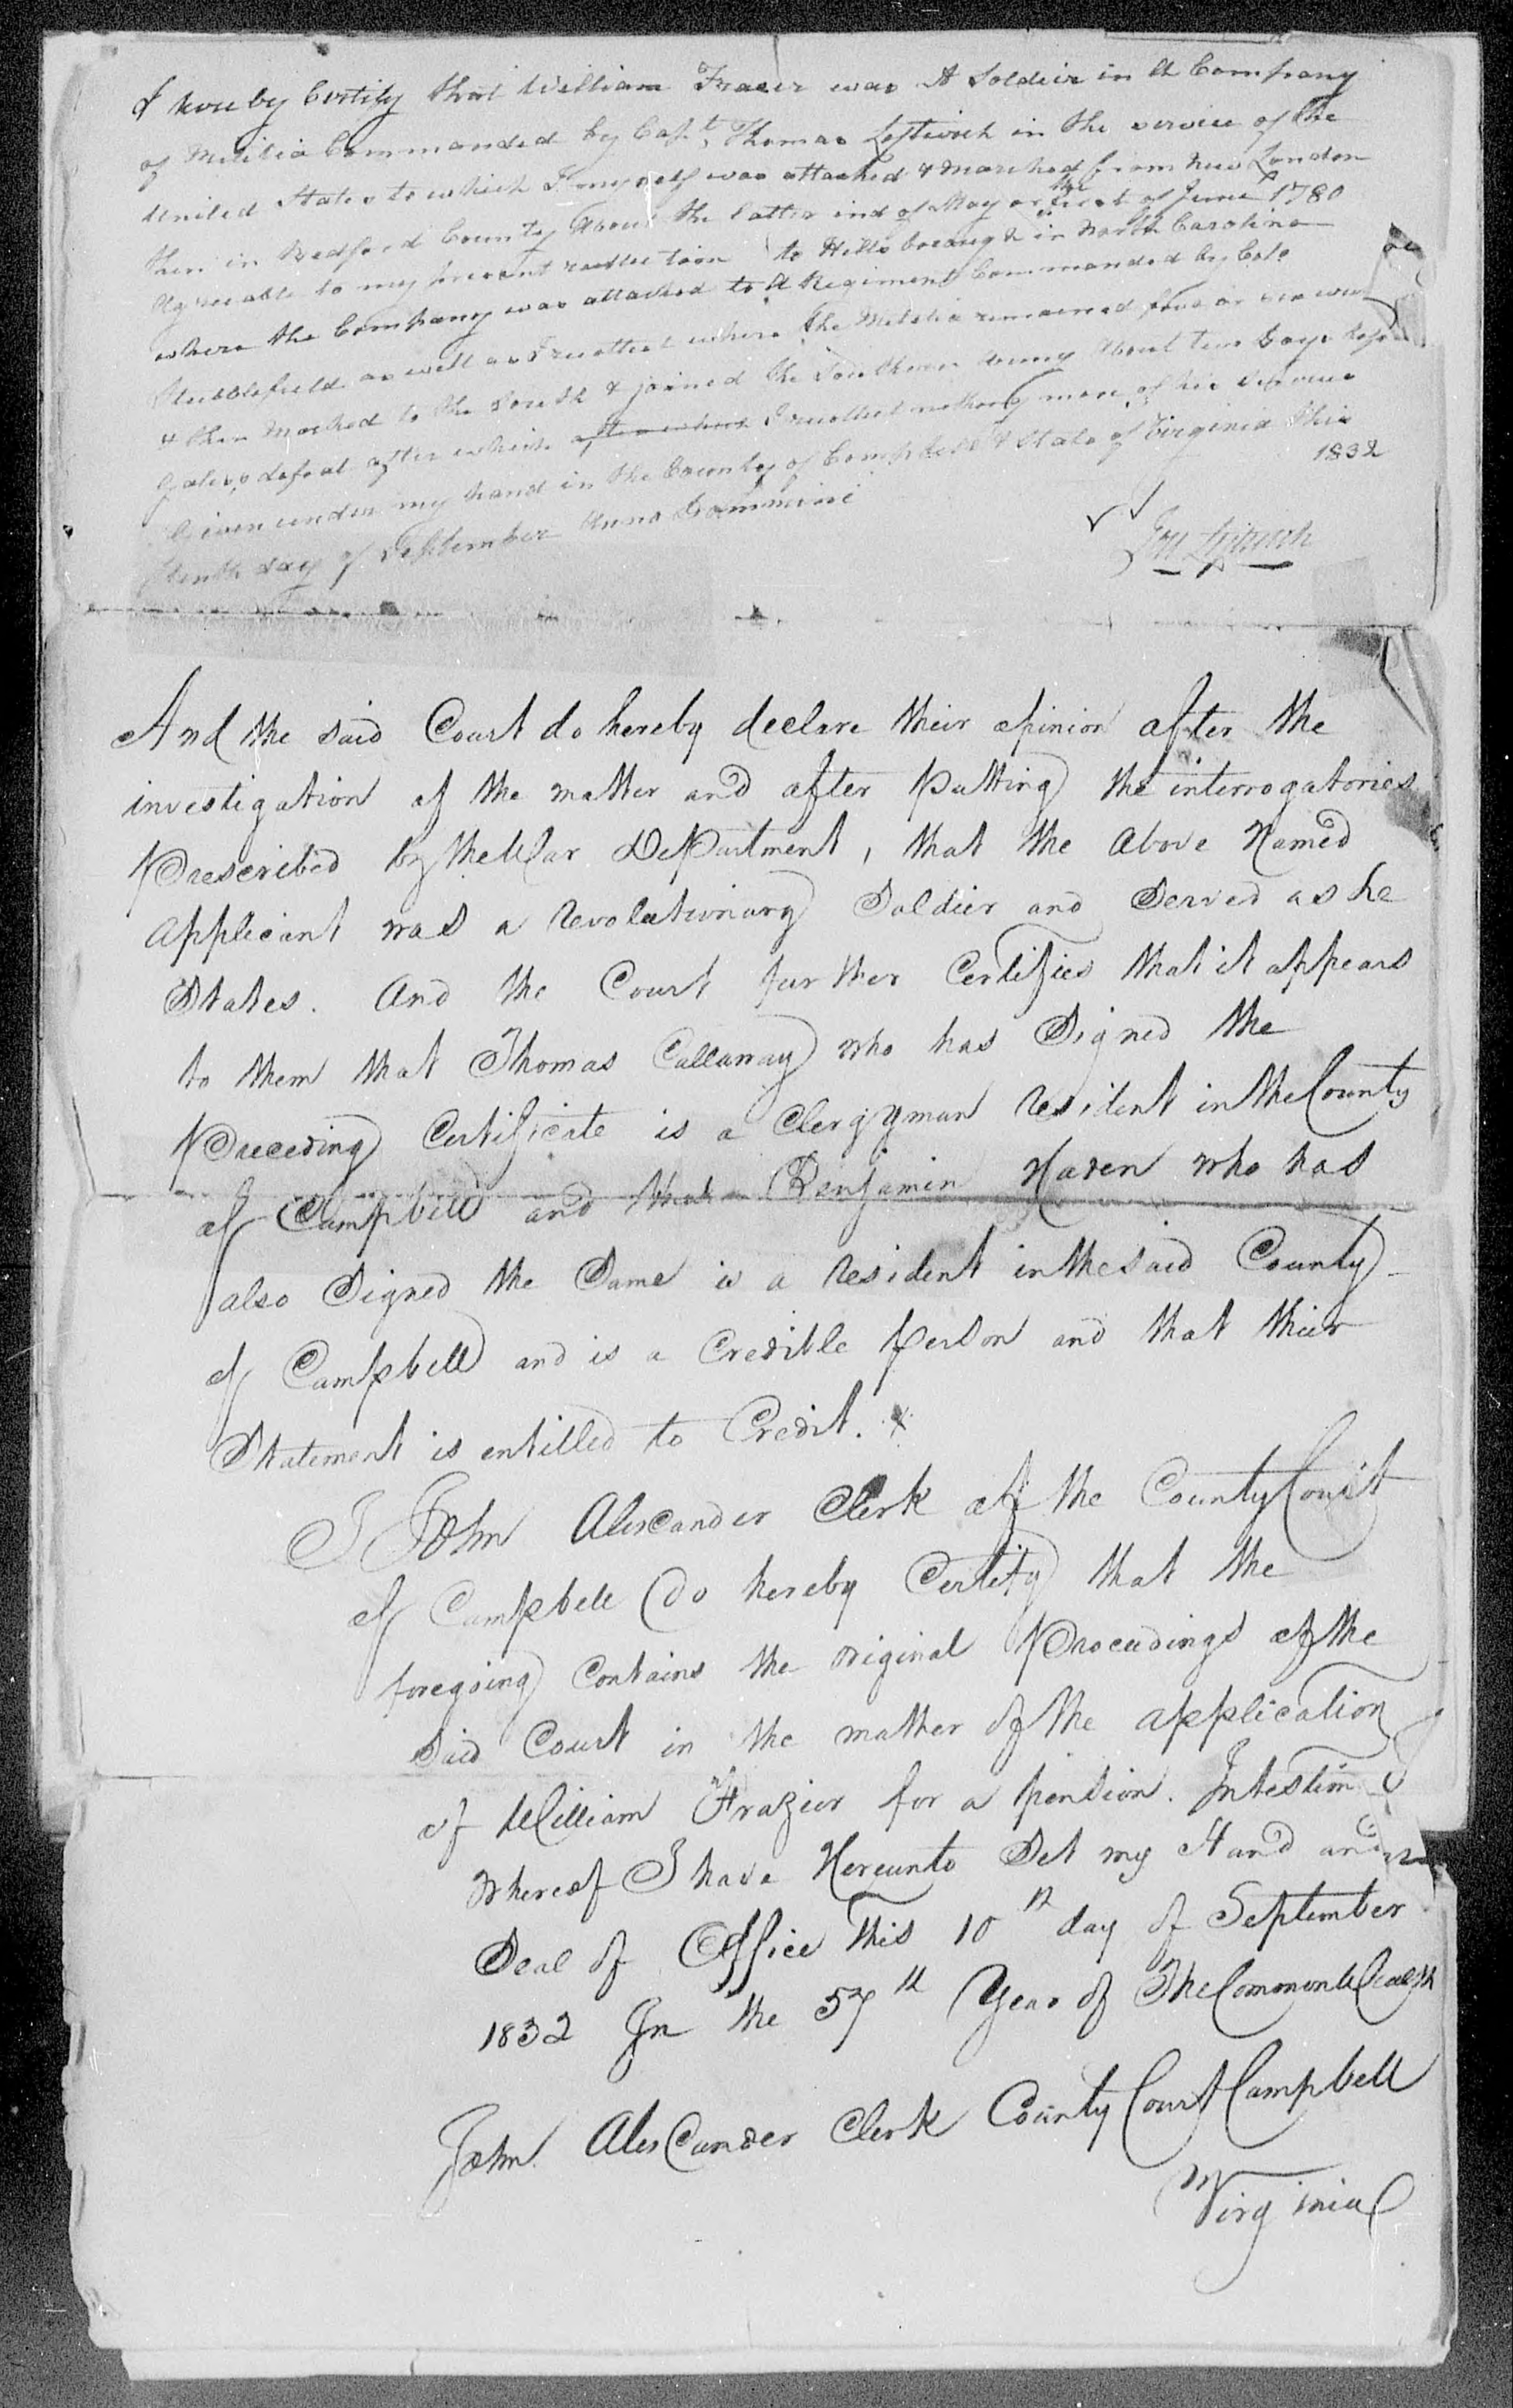I hereby certify that William Frazier was a soldier in a company of militia commanded by Capt. Thomas Leftwich in the service of the United States to which himself was attached & marched from New London then in Bedford County Court the latter and of May or the first of June 1780 My was able to my breakout [illegible] to Hillsborough in North Carolina where the Company was attached to a Regiment Commanded by Col. Stubblefield as well as formatted to where the Militia commanded this [illegible, tear in page] & then marched to the South & joined the Southern Army about two days before [illegible] defeat after wherein. Afterwards [previous word crossed out] I recollect [illegible] of his defense Given under my hand in the County of Campbell State of Virginia this tenth day of September 

Anno Dommini

1832

[Two hand-written checkmarks] LM Leftwich 
And the said Court do hereby declare their opinion after the investigation of the matter and after putting the interrogatories prescribed by the War Department, that the above named applicant was a Revolutionary Soldier and Served as he States. And the Court further Certifies that it appears to them that Thomas Callaway who had Signed the Preceding Certificate is a Clergyman Resident in the County of Campbell and [illegible] Benjamin Haden who had also Signed the Same is a Resident in the said County of Campbell and is a Credible person and that their Statement is entitled to Credit. 

I John Alexander Clerk of the County Court of Campbell do hereby Certify that the foregoing Contains the original Proceedings of the Said Court in the matter of the application of William Frazier for a pension. In testimony Whereof I have Hereunto Set my Hand and Seal of Office this 10th day of September 1832 In the 57th Year of the Commonwealth 

John Alexander Clerk County Court Campbell 
Virginia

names: John Alexander, John Alexander, William Frazier, Thomas Callaway, J M Leftwich, William Frazier, Thomas Leftwich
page: 6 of 13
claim: survivor's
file: S. 17966, William Frazier, Va.